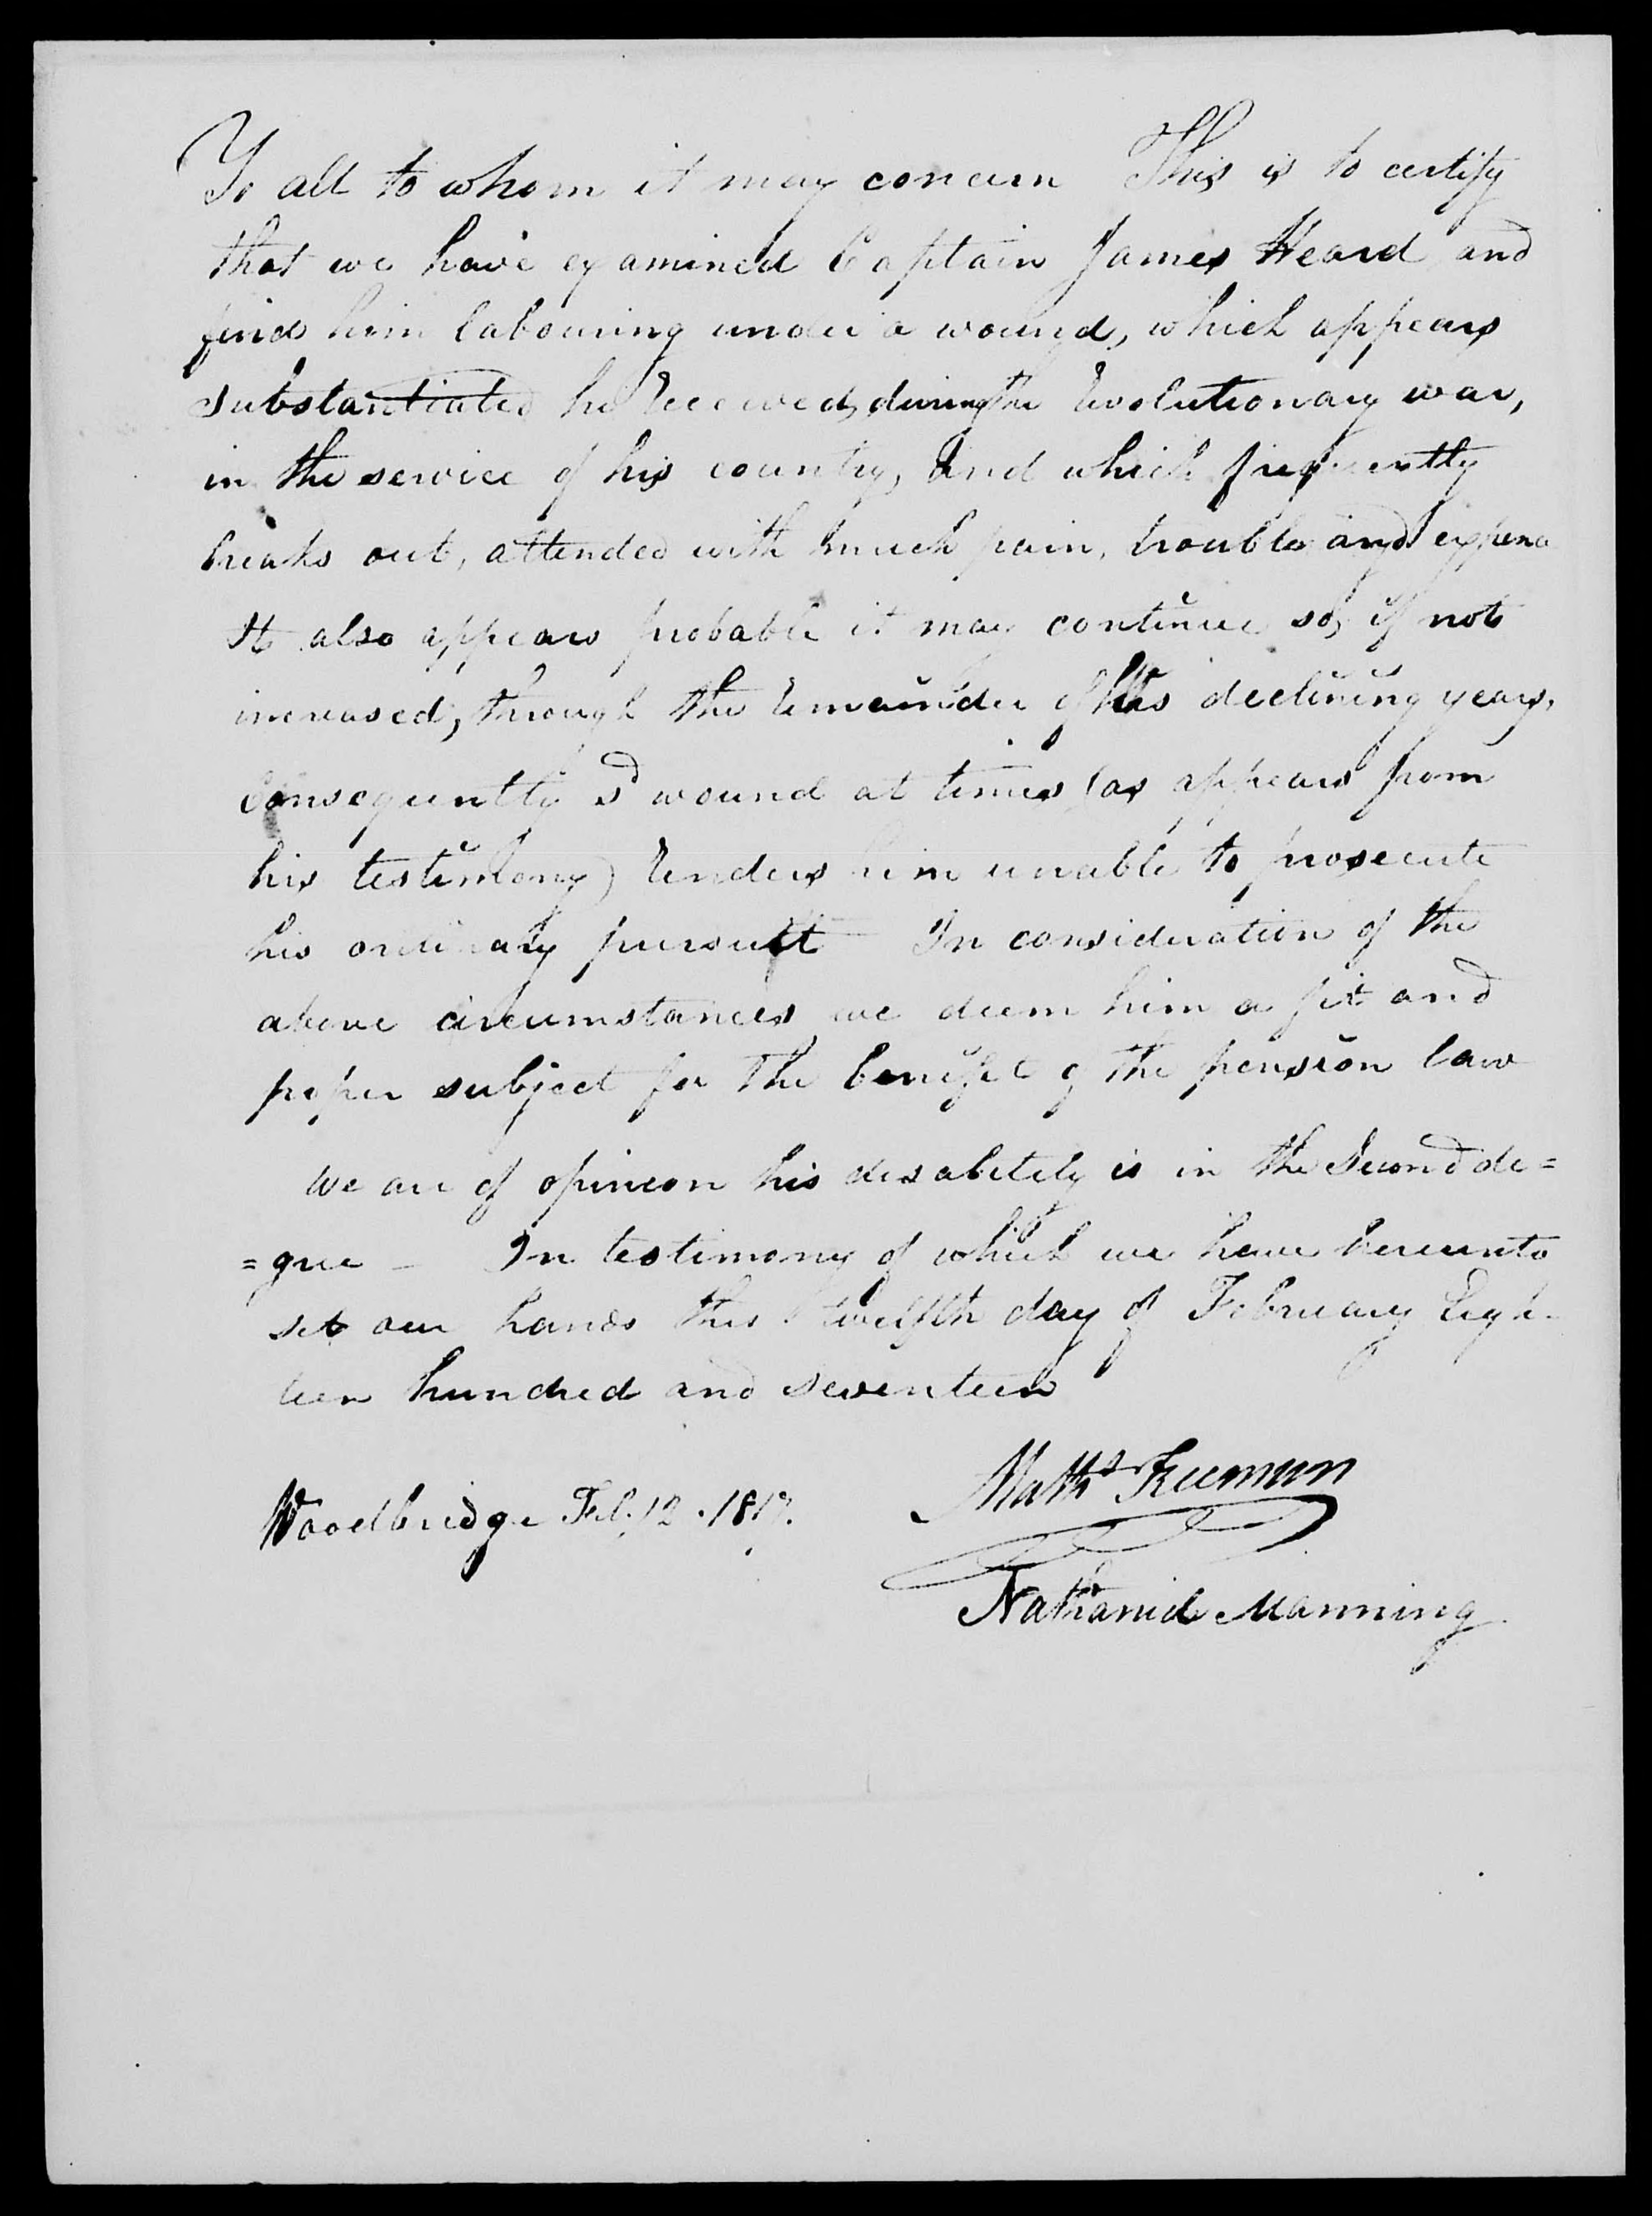To whom it may concern, 

This is to certify that we have examined Capt. James Heard and find him laboring [more than one] wound, which appears substantiated, that he received during the Revolutionary War, in the service of his country, and which frequently breaks out, attended with much pain, [Illegible]. 

It also appears probably it may continue so, if not increased, through the remainder of his declining years. Subsequently, his wound at times (as appears from his testimony) renders him unable to prosecute his ordinary pursuit. In consideration of the above circumstances we deem him a fit and proper subject for the benefit of the pension law. We are of opinion his disability is in the [Illegible]

In testimony of which we have hereunto ser our hand this twelfth day of February eighteen hundred and seventeen. 

Woodbridge February 12, 1817 Matthew Freeman

Nathaniel Manning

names: James Heard, Maths Freeman, Nathaniel Manning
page: 40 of 62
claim: survivor's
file: S. 540, James Heard, Continental - New Jersey Residence In 1818